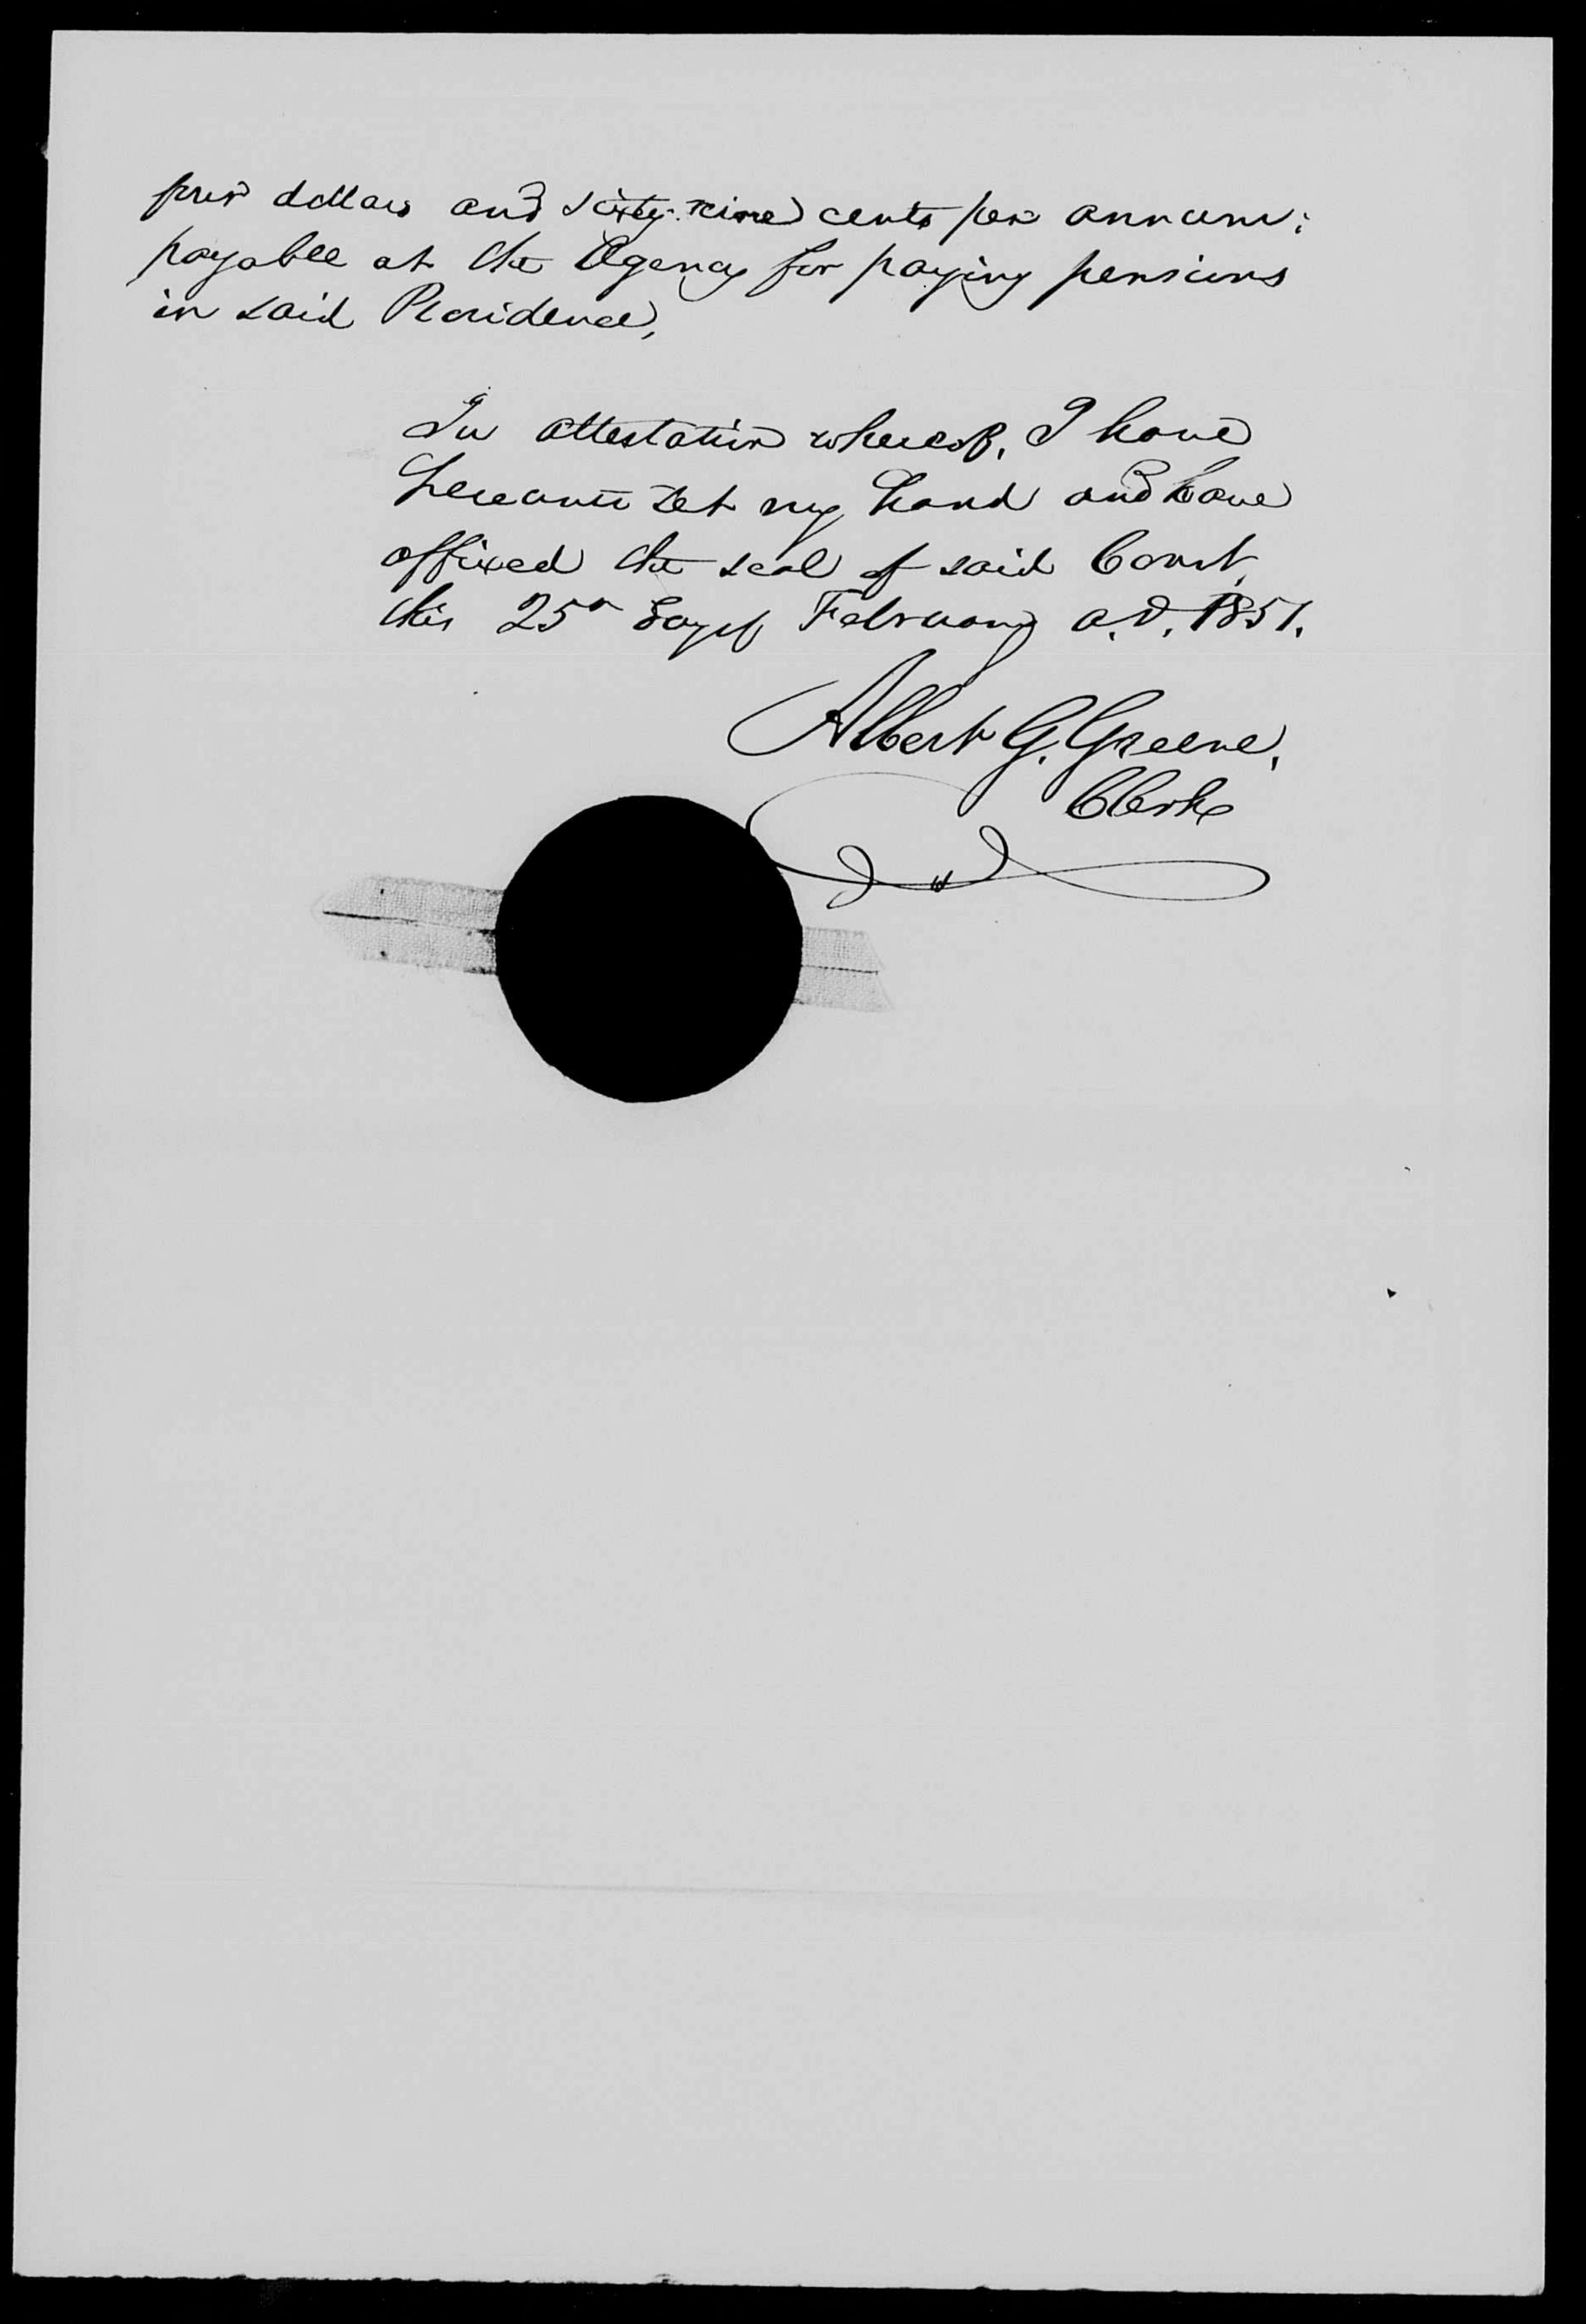four dollars and sixty nine cents per annum.
payable at the Agency for paying pensions
in said Providence,
In attestation whereof, I have
hereunto set my hand and have
affixed the seal of said Court,
this 25th day of February A.D. 1857.
Albert G. Greene
Clerk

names: Albert G Greene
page: 30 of 31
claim: widow's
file: W 21004, Samuel Drown, R.I.